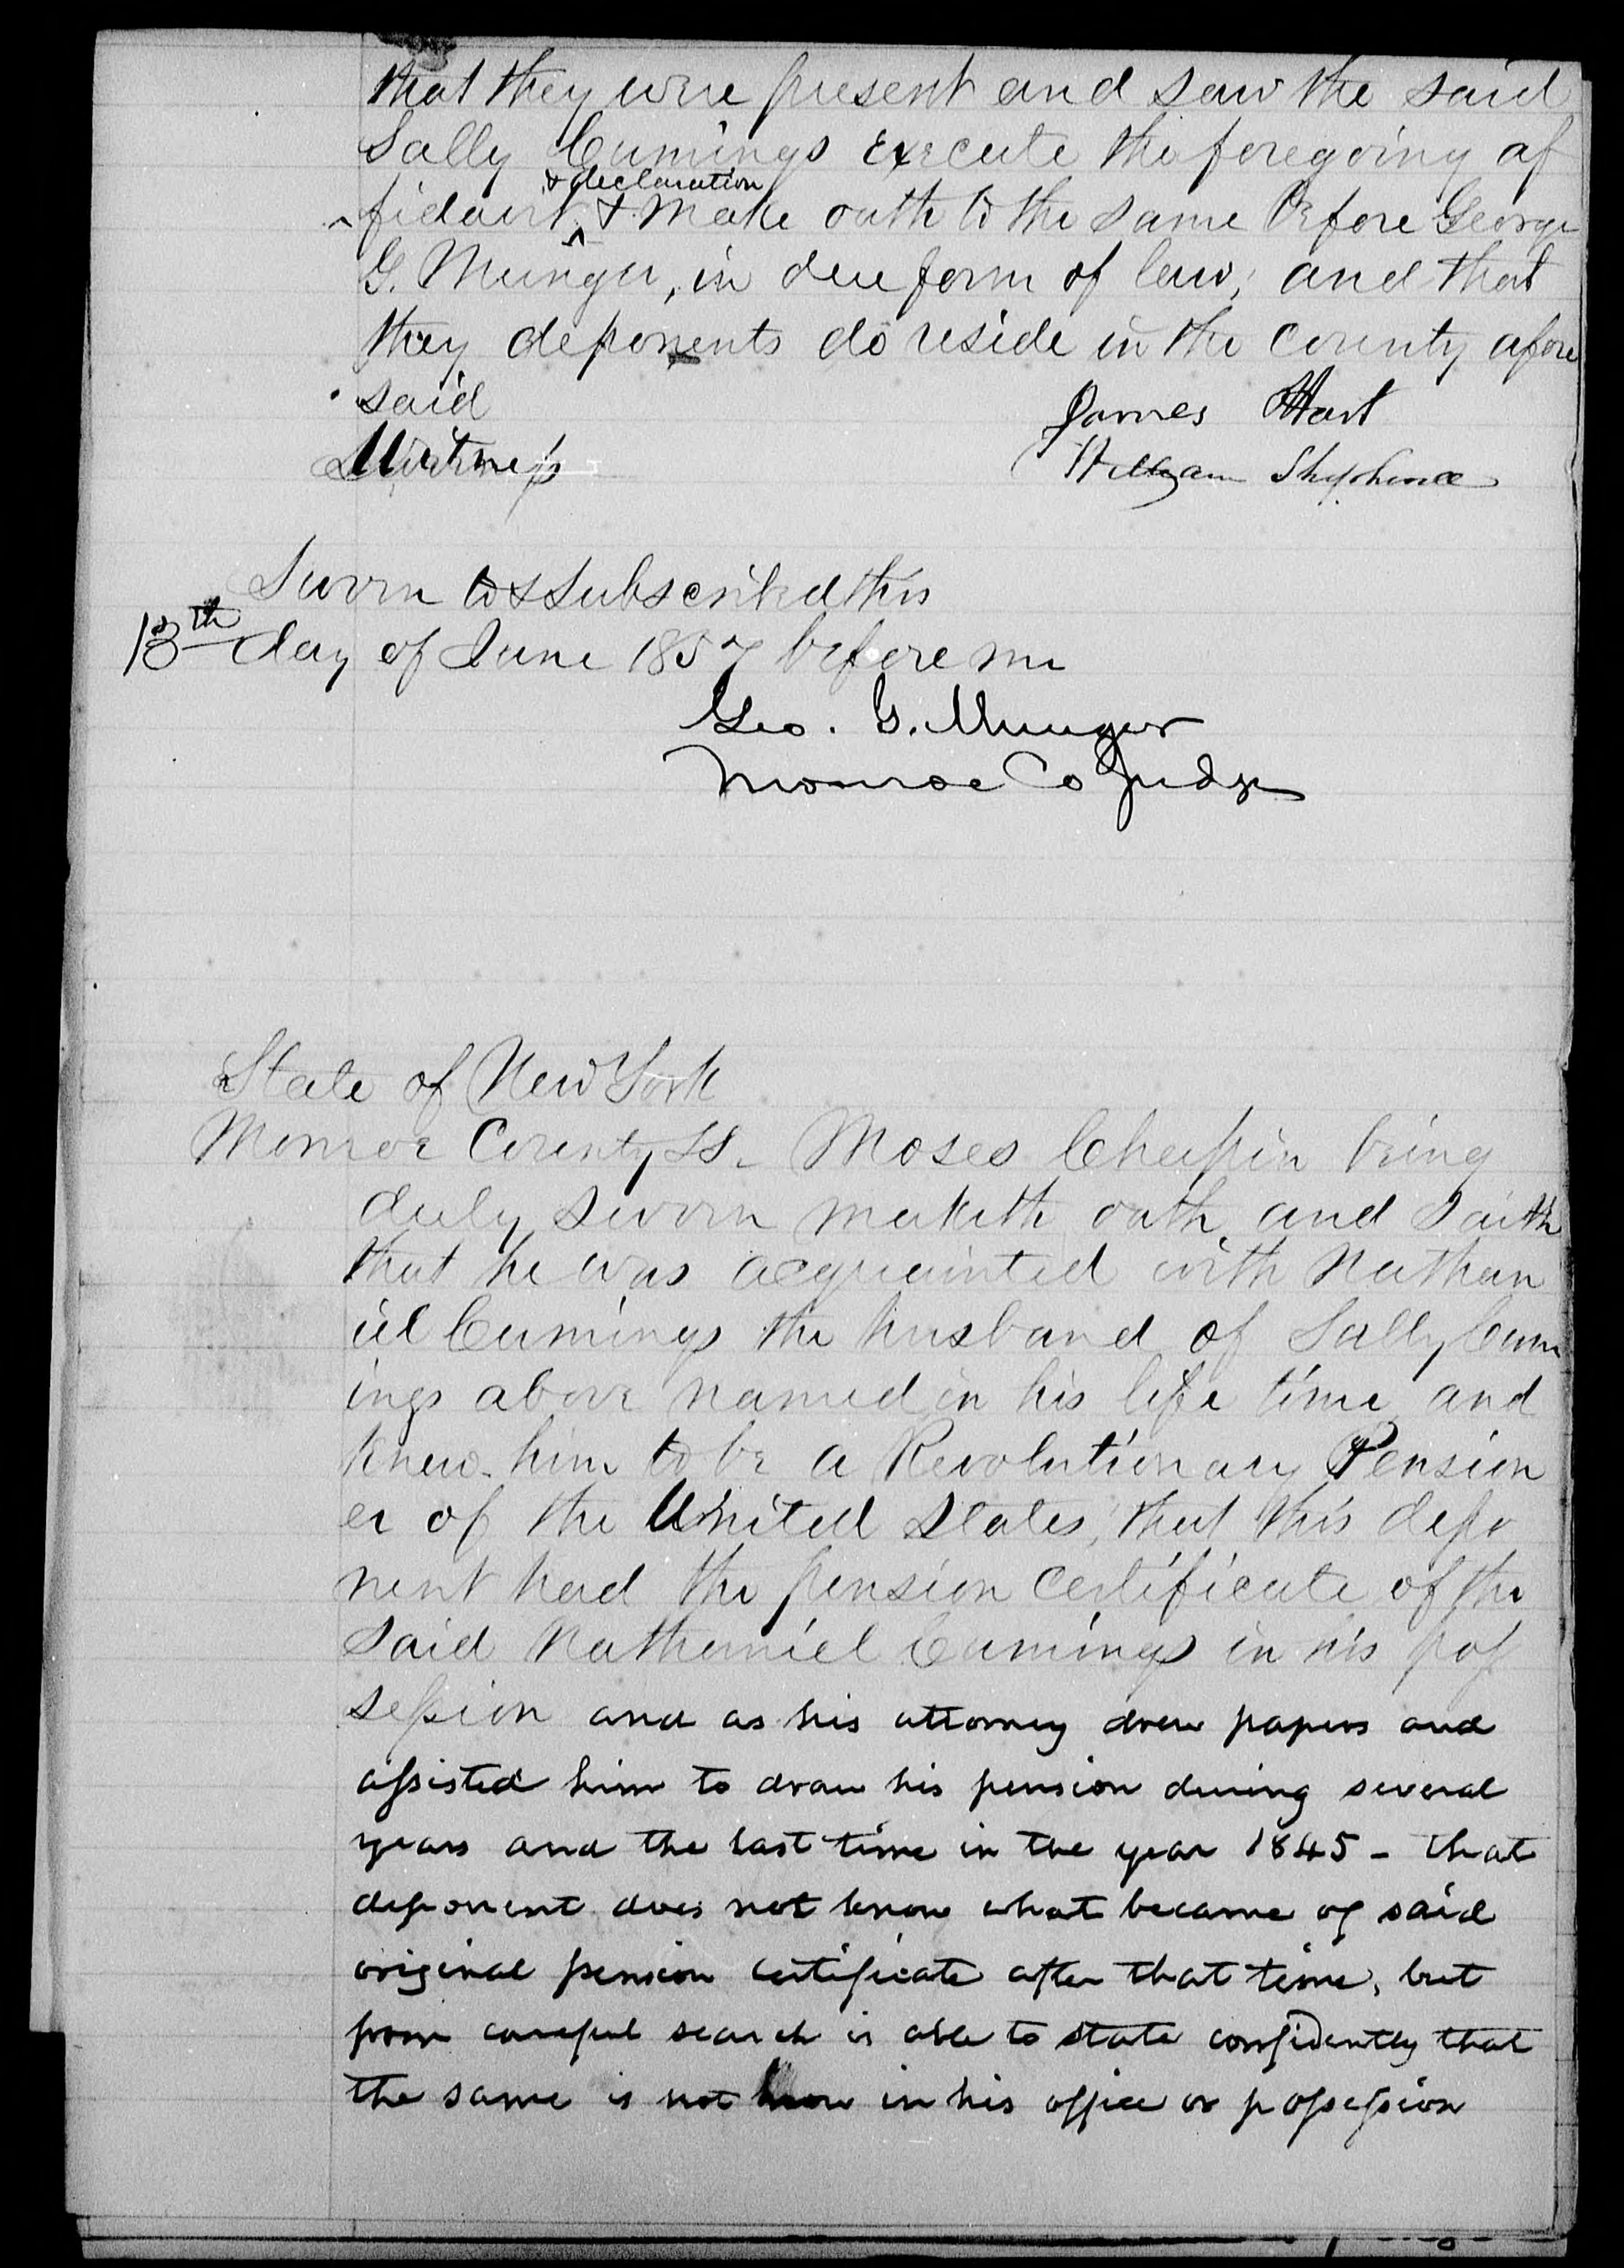that they were present and saw the said ┃
Sally Cumings Execute the foregoing of
affidavit make oath to the same before George
G. Meinger, in due form of law, and that
they deponents do reside in the County afore
said Witness
James Hart
William Shepherd
13th day June 1837
in to & subscribed this
13th of June 1857 before me
Geo. G. Ringer
Monroe Co Judge
to of New York
or County SS. Moses Chapin being
duly sworn maketh oath and saith
that he was acquainted with Nathaniel
 Cumings the husband of Sally Cumings
above named in his lifetime, and
knew him to be a Revolutionary Pensioner
of the United States, that this deponent
had the pension certificate of the
said Nathaniel Cumings in his 
possession and as his attorney drew papers 
and assisted him to draw his pension during several
years and the last time in the year 1845, that
deponent does not know what became of said
original pension certificate after that time, but
from careful search is able to state confidently that the
same is not now in his office or possession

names: William Shepherd, Nathaniel Cumings, Sally Cumings, George G Munger, Sally Cumings, Nathaniel Cumings, Geo G Munger, Moses Chapin, James Hart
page: 21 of 41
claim: widow's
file: W. 9819, Nathaniel Cumings, Vt.